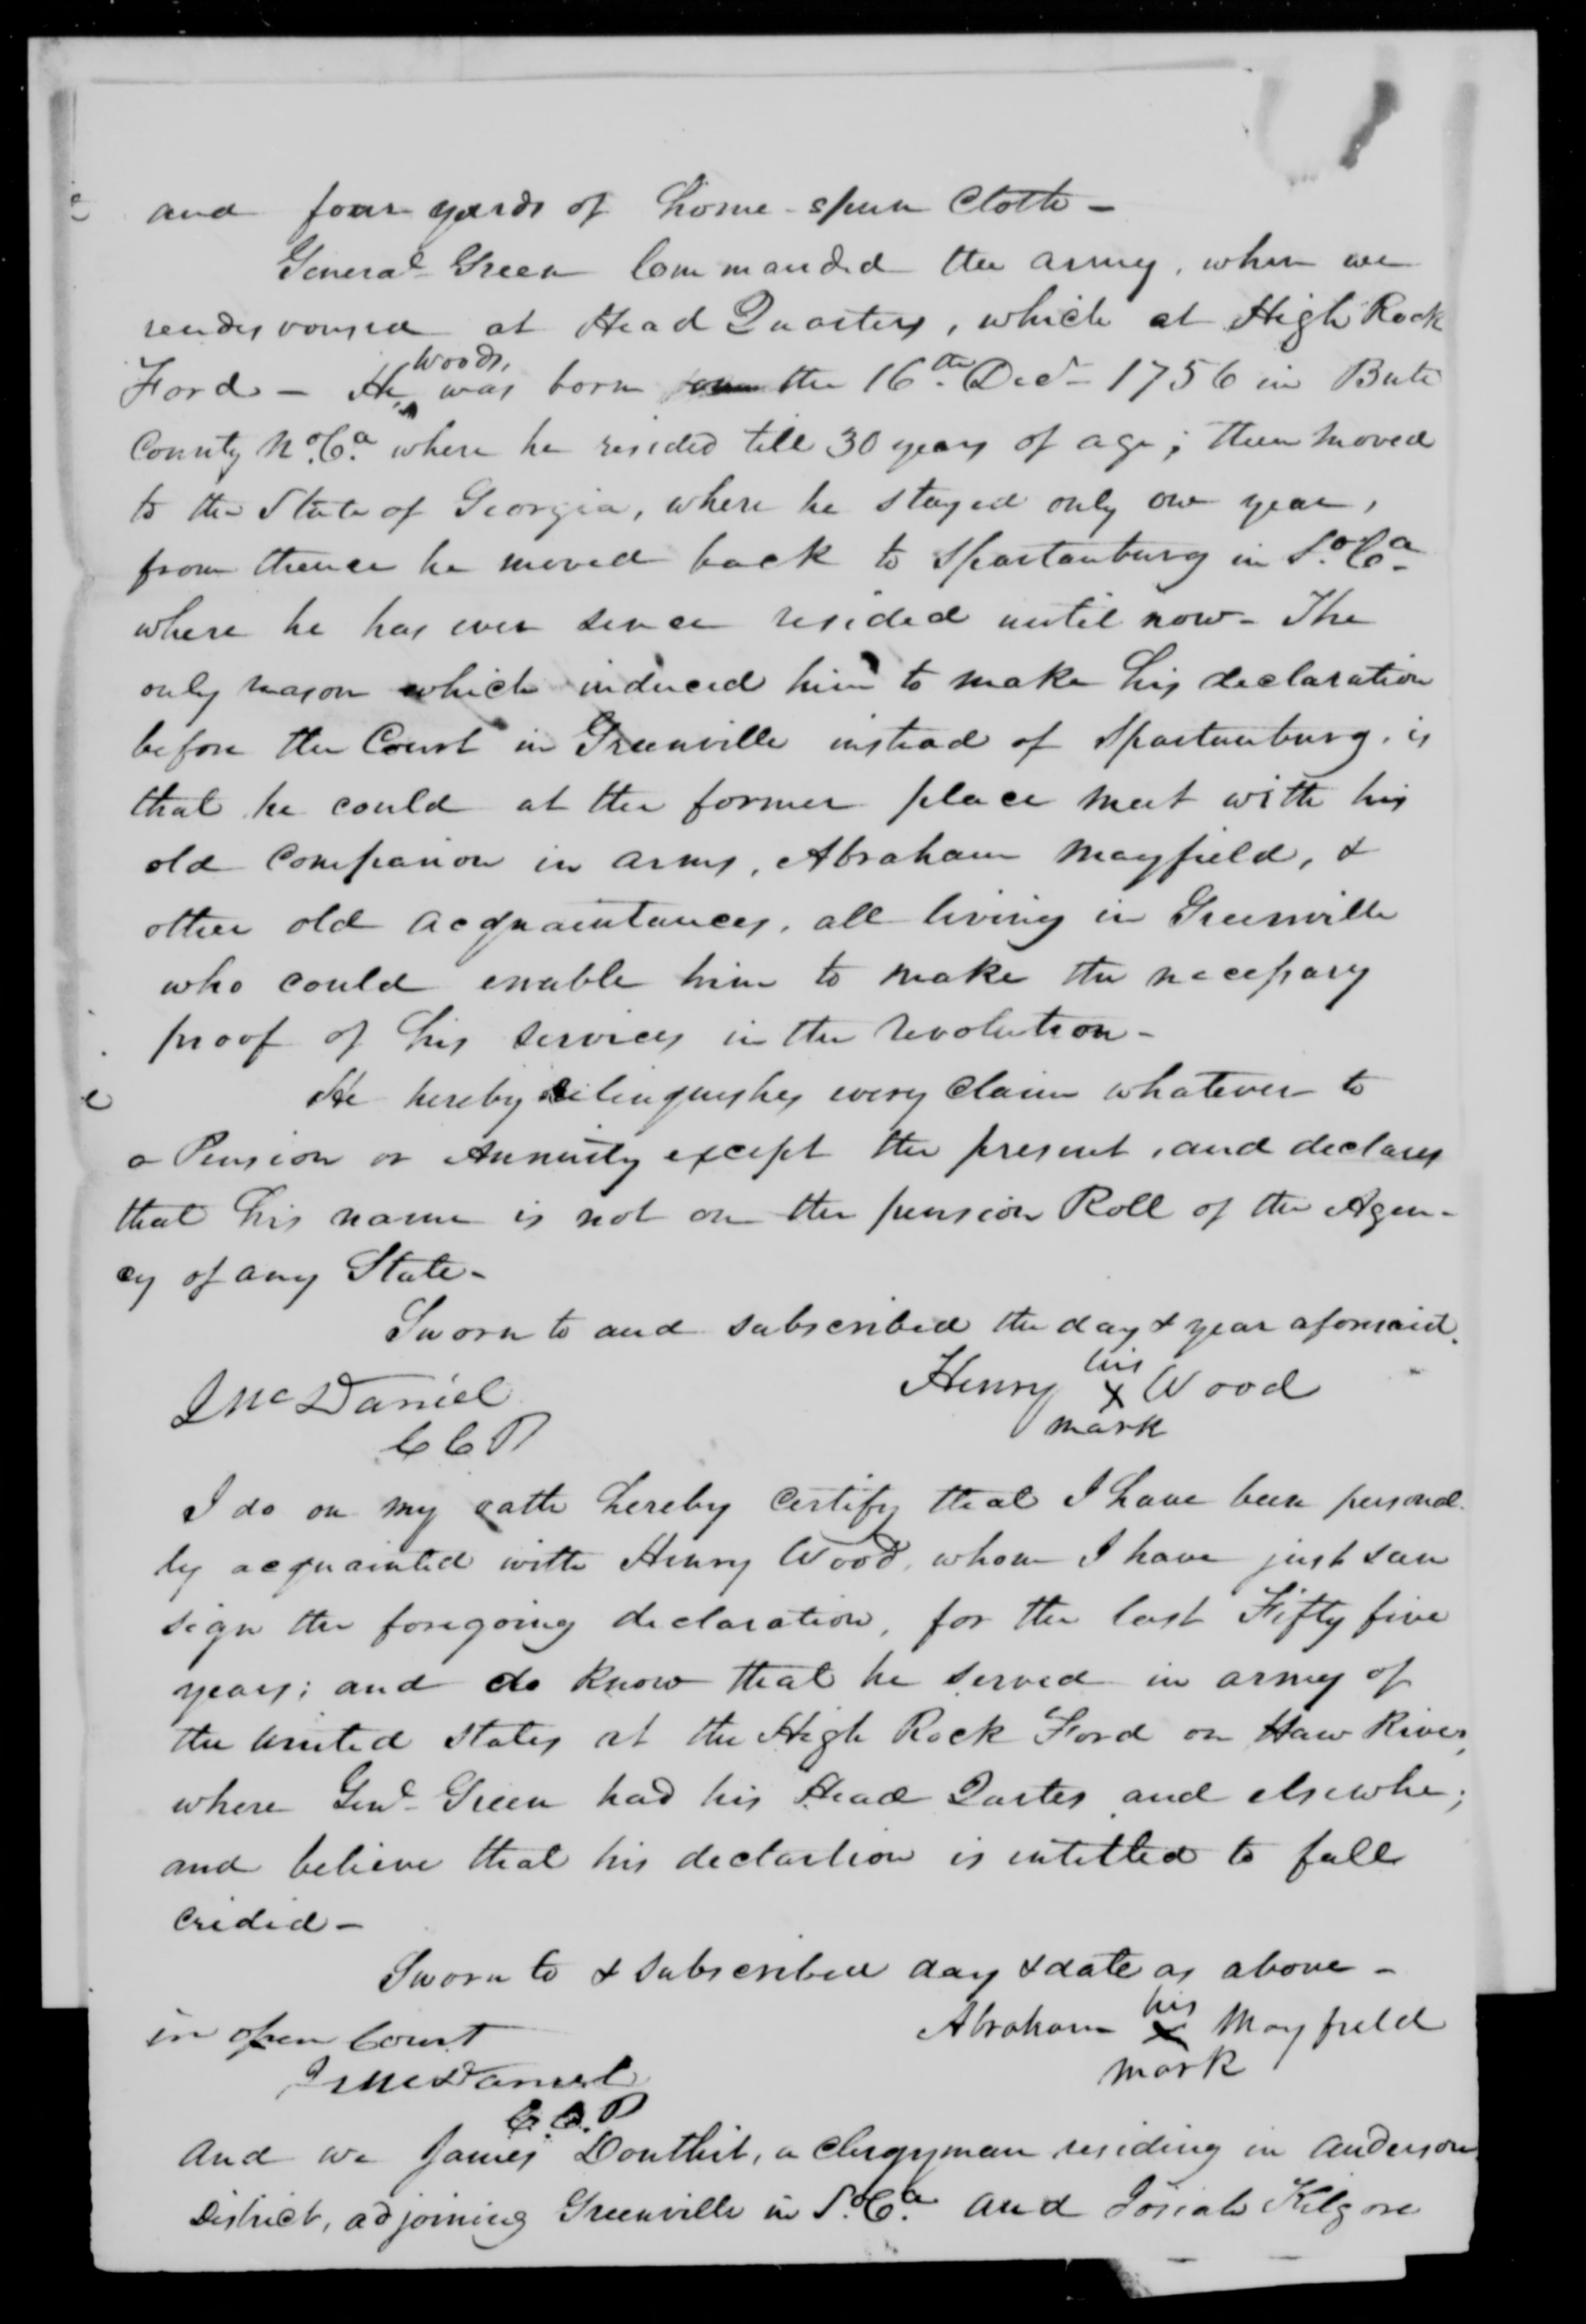and four yards of homespun cloth.
General Green commanded the army when we under [xx] at Headquarters which at High Rock Ford - He Wood was born the 16th Dec 1756 in Bute County No. Ca. where he resided till 30 years of age; then moved to the State of Georgia , where he stayed only one year, from thence he moved back to Spartanburg in So. Ca. where he has ever since resided until now. The only reason which induced him to make this declaration before the Court in Greenville instead of Spartanburg is that he could at the former place meet with his old companion in Army, Abraham Mayfield & other old acquantances all living in Greenville who could enable him to make the accopany proof of his services in the Revolution.
He hereby relingushes every claim whatever to a pension or annuity except the present, and declares that his name is not on the pension roll of the Agency or of any state.
Sworn to and subscribed the day & year aforesaid, Henry his X Wood  J McDaniel CCP
I do on my oath hereby certify that I have been personally acquainted with Henry Wood, whom I have just seen sign the foregoing declaration, for the last fifty five years; and do know that he served in army of the United States at High Rock Ford on Haw River, where Gen. Green had his headquarters and elsewhere and believe that his declaration is entitled to full cridit.
Sworn to & subscribed day & date as above in open court. Abraham his X Mark Mayfield J. McDaniel C.C.P.
And we James Douthit, a clergyman residing in Anderson District adjoining Greenville in So. Ca. and Josiah Kilgore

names: J Mc Daniel, Green, Josiah Kilgore, Woods, Henry Wood, James Douthit, Abraham Mayfield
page: 8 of 40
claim: rejected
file: R. 11785, Henry Wood, N. C.